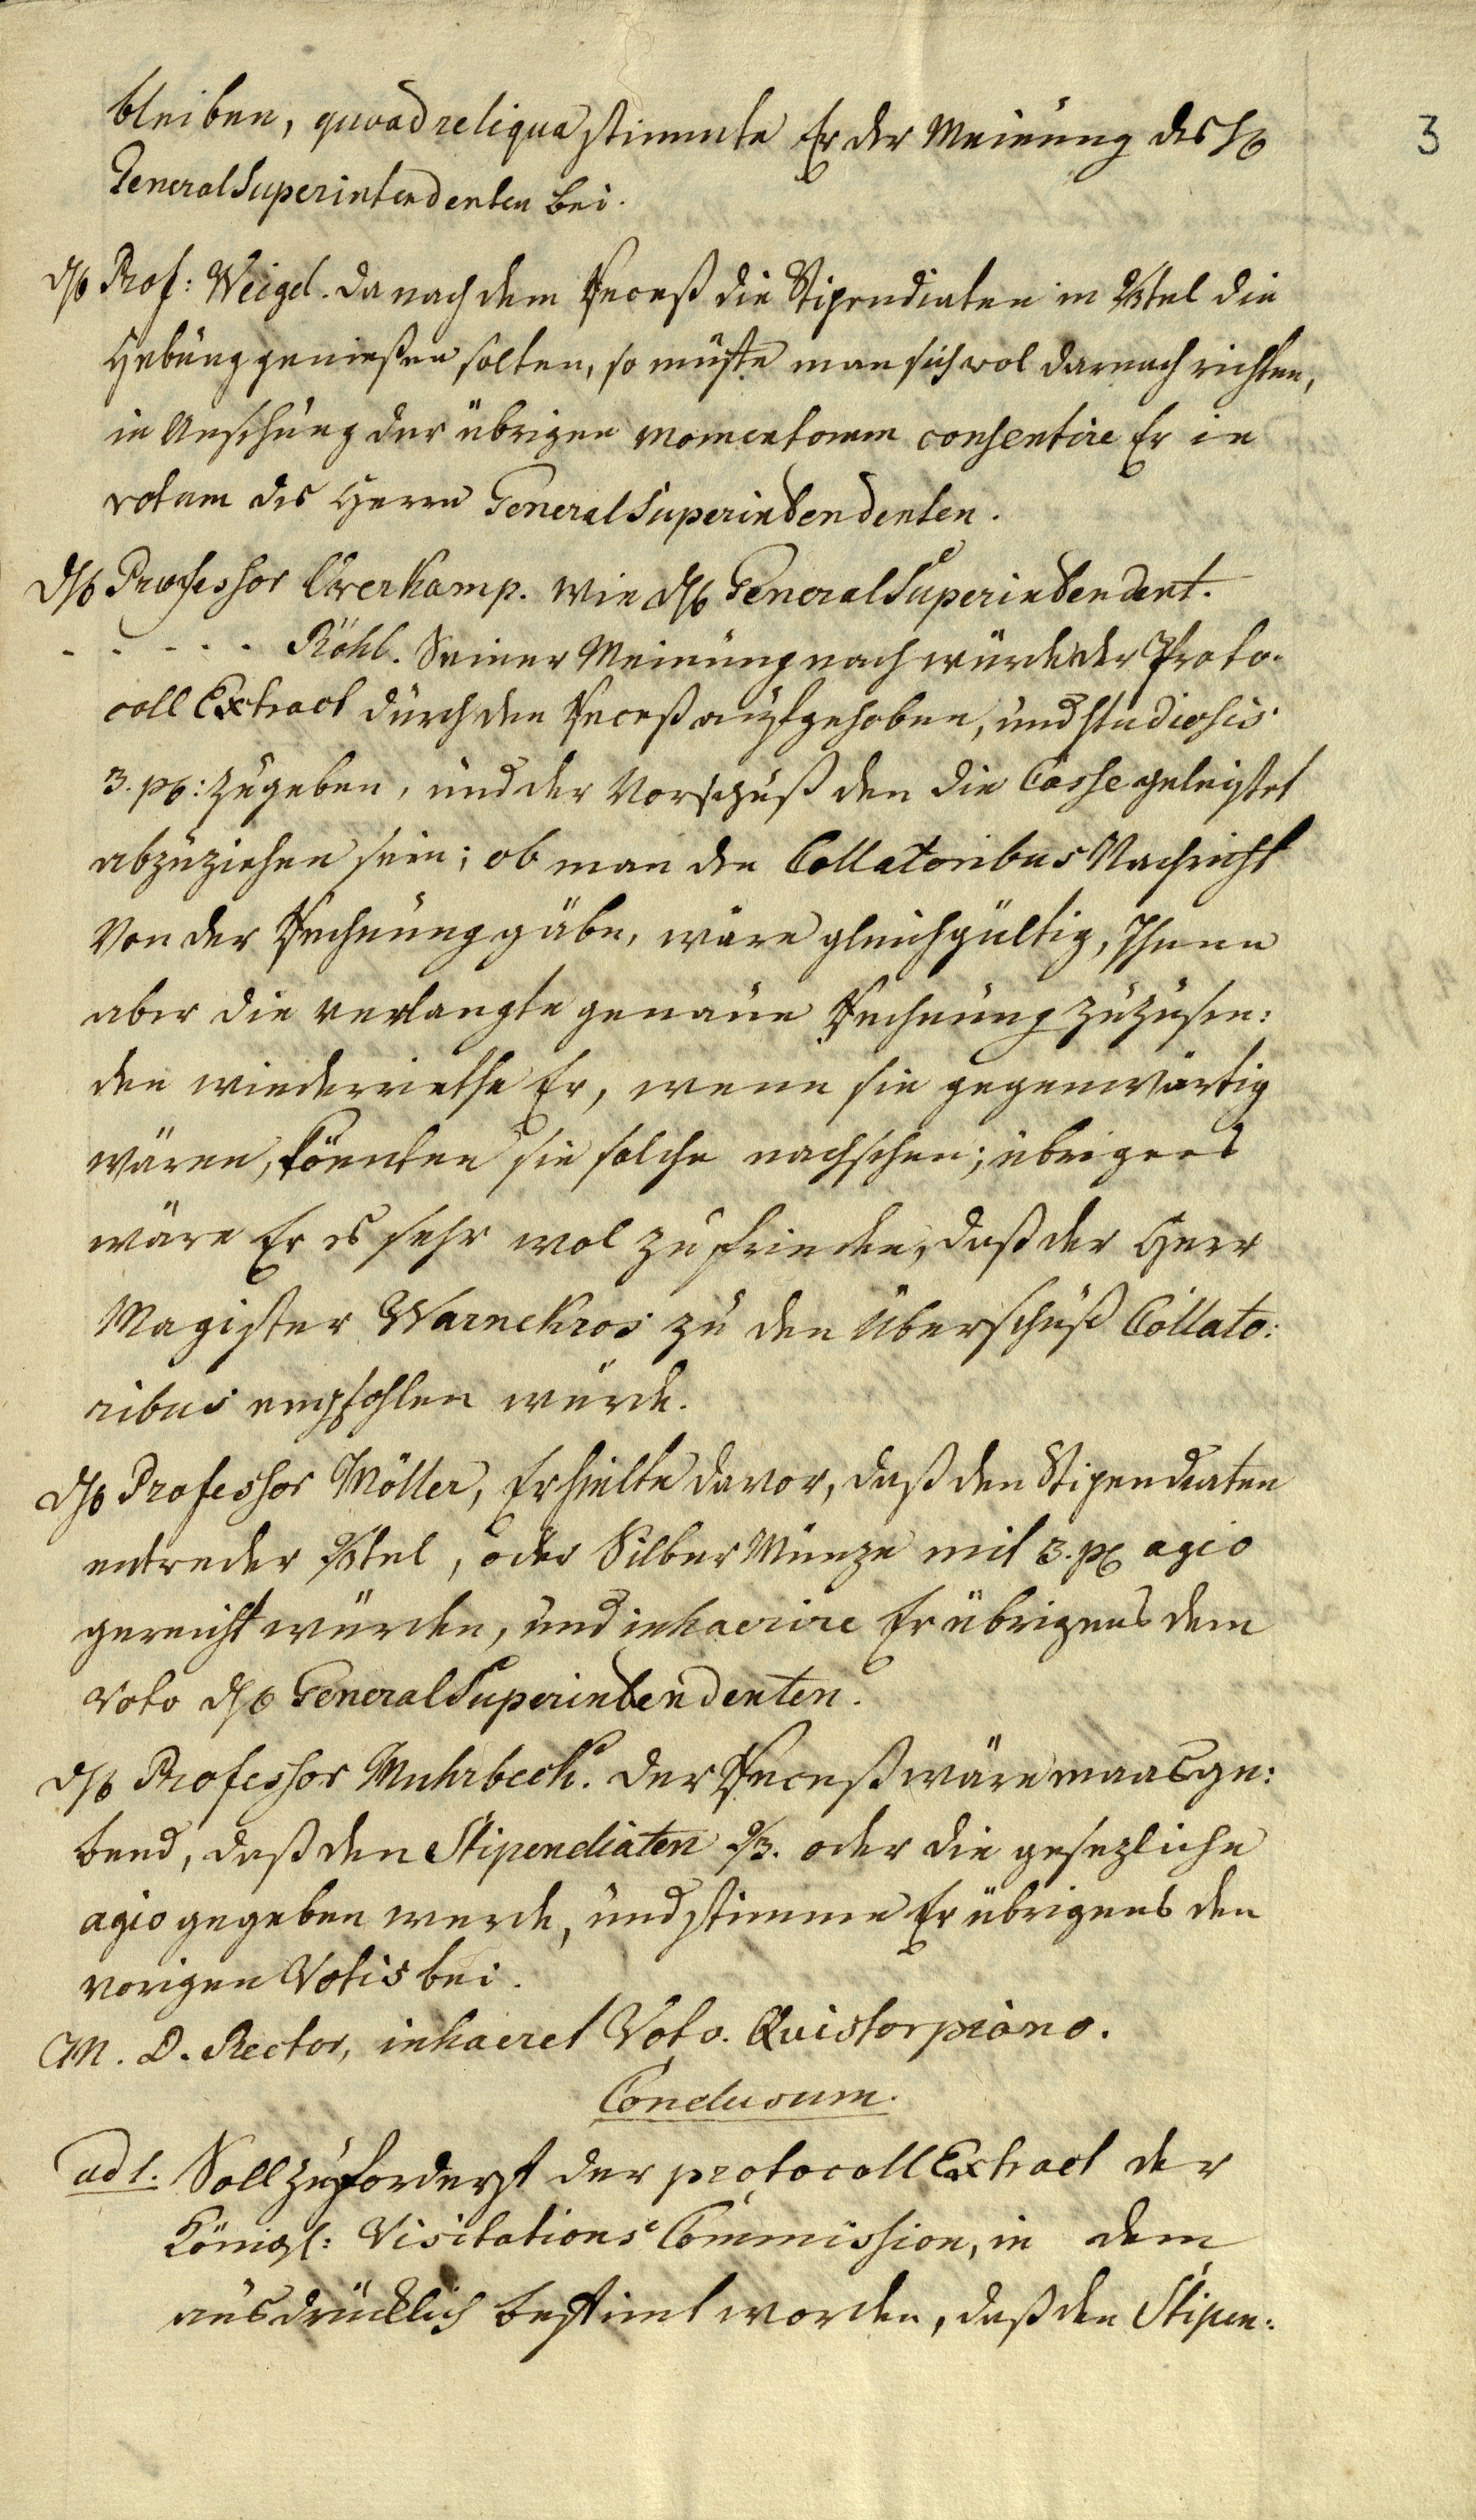bleiben, quvad reliqua stimmte Er der Meinung des H.
GeneralSuperintendenten bei.
dh Prof. Weigel. da nach dem Receß die Stipendiaten in ²/³ tel die
Hebung genießen solten, so müste man sich wol darnach richten,
in Ansehung der übrigen momentorem consentire Er in
votam des Herrn GeneralSuperintendenten.
dh Professor Overkamp. wie der dh GeneralSuperintendent.
Röhl. Seiner Meinung nach würde der Proto¬
coll Extract durch den Receß aufgehoben, und studiosis
3 p. zugeben, und der Vorschuß, den die Casse geleistet
abzuziehen sein; ob man den Collatoribus nachricht
von der Rechnung gäbe, wäre gleichgültig, Ihnen
aber die verlangte genaue Rechnung zuzusen¬
den wiederriethe Er, wenn sie gegenwärtig
wären, könnten sie solche nachsehen; übrigens
wäre Er es sehr wol zufrieden, daß der Herr
Magister Warnekros zu den Überschuß Collato¬
ribus empfohlen würde.
dh Professor Möller, Er hielte davor, daß den Stipendiaten
entweder ²/³ tel, oder Silber Münze mit 3 p. agio
gereicht würden, und inhaerire Er übrigens dem
voto dh GeneralSuperintendenten.
dh Professor Muhrbeck. der Receß wäre maasge¬
bend, daß den Stipendiaten ²/³. oder die gesezliche
agio gegeben werde, und stimme Er übrigens den
vorigen Votis bei.
M. D. Rector, inhaeret Voto Quistorpiano.
Conclusum
ad 1. Soll zuvorderst der protocoll Extract der
Königl. Visitations Commission, in dem
ausdrücklich bestimt worden, daß den Stipen¬